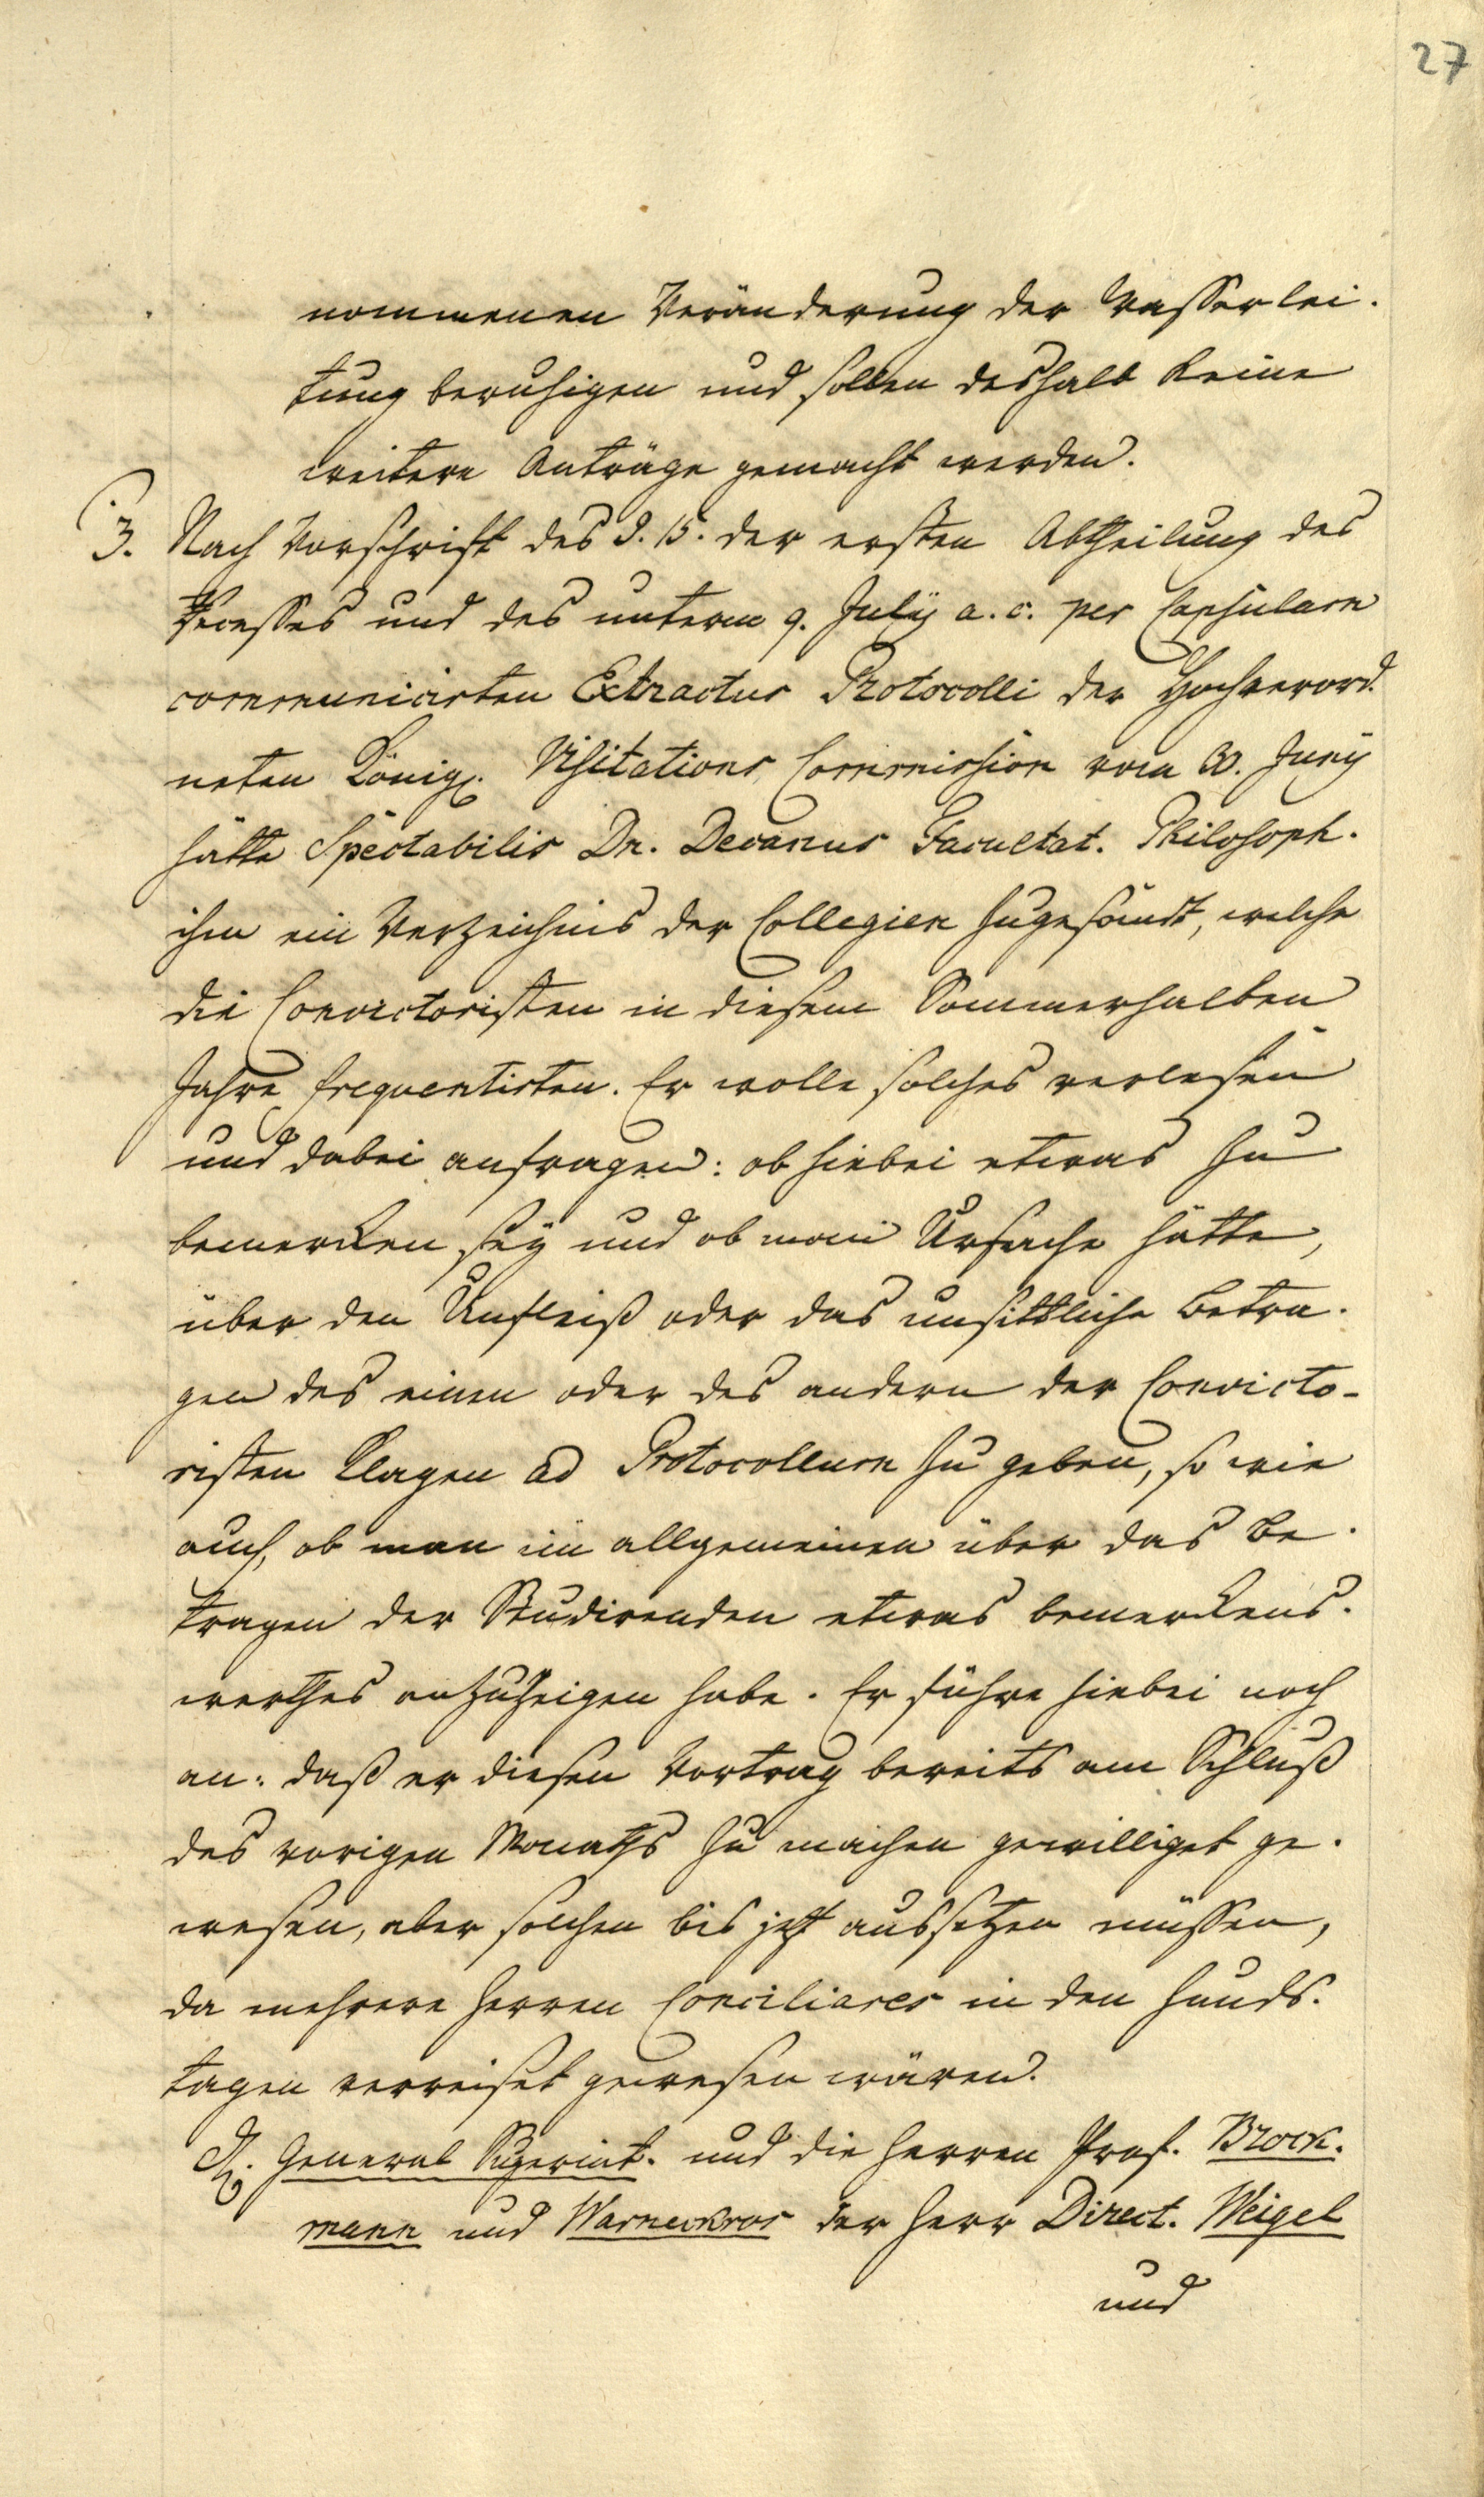nommenen Veränderung der Wasserlei-
tung beruhigen und sollen deshalb keine
weitern Anträge gemacht werden.
3. Nach Vorschrift des §. 15. der ersten Abtheilung des
Recesses und des unterm 9. July a. c. per Capsulam
communicirten Extractus Protocolli der Hochverord-
neten Königl. Visitations Commission vom 30. Juny
hätte Spectabilis Dn. Decanus Facultat. Philosoph.
ihm ein Verzeichnis der Collegien zugesandt, welche
die Convictoristen in diesem Sommerhalben
Jahre frequentirten. Er wolle solches verlesen
und dabei anfagen: ob hiebei etwas zu
bemerken sey und ob man Ursache hätte,
über den Unfleiß oder das unsittliche Betra-
gen des einen oder des andern der Convicto-
risten Klagen ad Protocollum zu geben, so wie
auch ob man im allgemeinen über das Be-
tragen der Studirenden etwas bemerkens-
werthes anzuzeigen habe. Er führe hiebei noch
an: daß er diesen Vortrag bereits am Schluß
des vorigen Monaths zu machen gewilliget ge-
wesen, aber solchen bis jetzt aussetzen müssen,
da mehrere Herren Conciliares in den Hunds-
tagen verreiset gewesen wären.
dh. General Superint. und die Herrn Prof. Brock-
mann und Warneckros der Herr Direct. Weigel
und